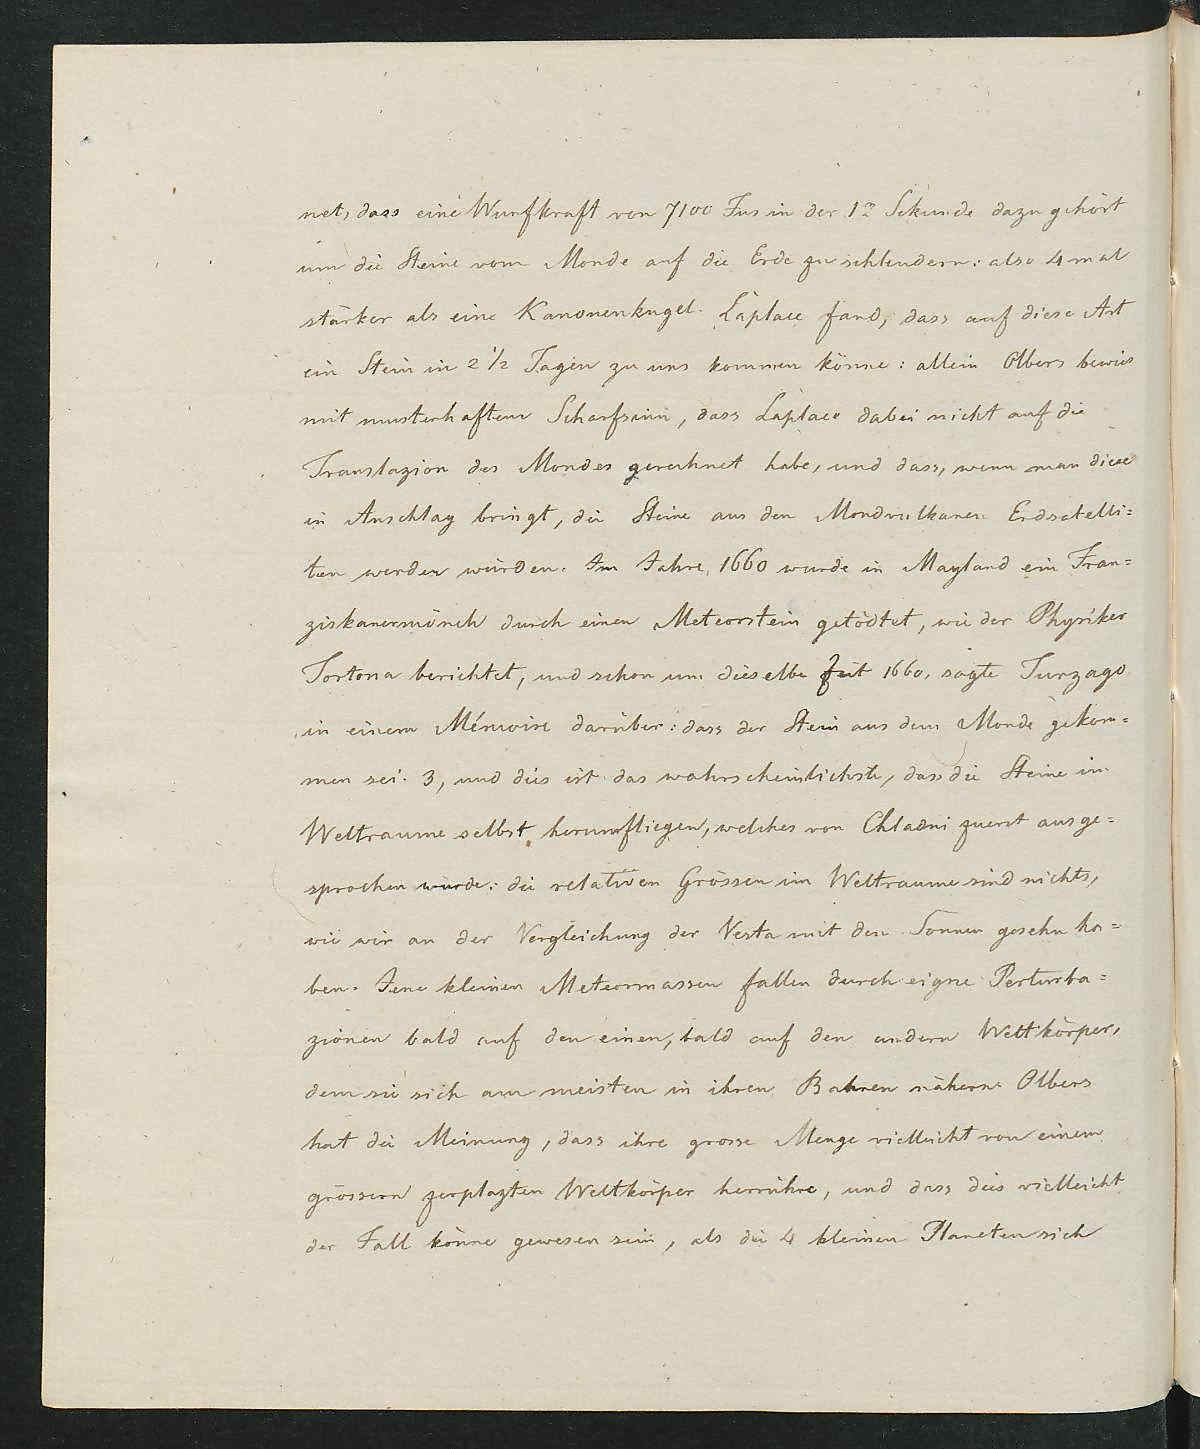net, dass eine Wurfkraft von 7100 Fus in der 1￼ Sekunde dazu gehört
um die Steine vom Monde auf die Erde zu schleudern: also 4 mal
stärker als eine Kanonenkugel. Laplace fand, dass auf diese Art
ein Stein in 2½ Tagen zu uns kommen könne: allein Olbers bewies
mit musterhaften Scharfsinn, dass Laplace dabei nicht auf die
Translazion des Mondes gerechnet habe, und dass, wenn man diese
in Anschlag bringt, die Steine aus den Mondvulkanen Erdsatelli-
ten werden würden. Im Jahre 1660 wurde in Mayland ein Fran-
ziskanermönch durch einen Meteorstein getödtet, wie der Physiker
Tortona berichtet, und schon um dieselbe Zeit 1660, sagte Turzago
in einem Mémoire darüber: dass der Stein aus dem Monde gekom-
men sei. 3, und dies ist das wahrscheinlichste, dass die Steine im
Weltraume selbst herumfliegen, welches von Chladni zuerst ausge-
sprochen wurde: die relativen Grössen im Weltraume sind nichts,
wie wir an der Vergleichung der Vesta mit den Sonnen gesehn ha-
ben. Jene kleinen Meteormassen fallen durch eigne Perturba-
zionen bald auf den einen, bald auf den andern Weltkörper,
dem sie sich am meisten in ihren Bahnen nähern. Olbers
hat die Meinung, dass ihre grosse Menge vielleicht von einem
grössern zerplazten Weltkörper herrühre, und dass dies vielleicht
der Fall könne gewesen sein, als die 4 kleinen Planeten sich